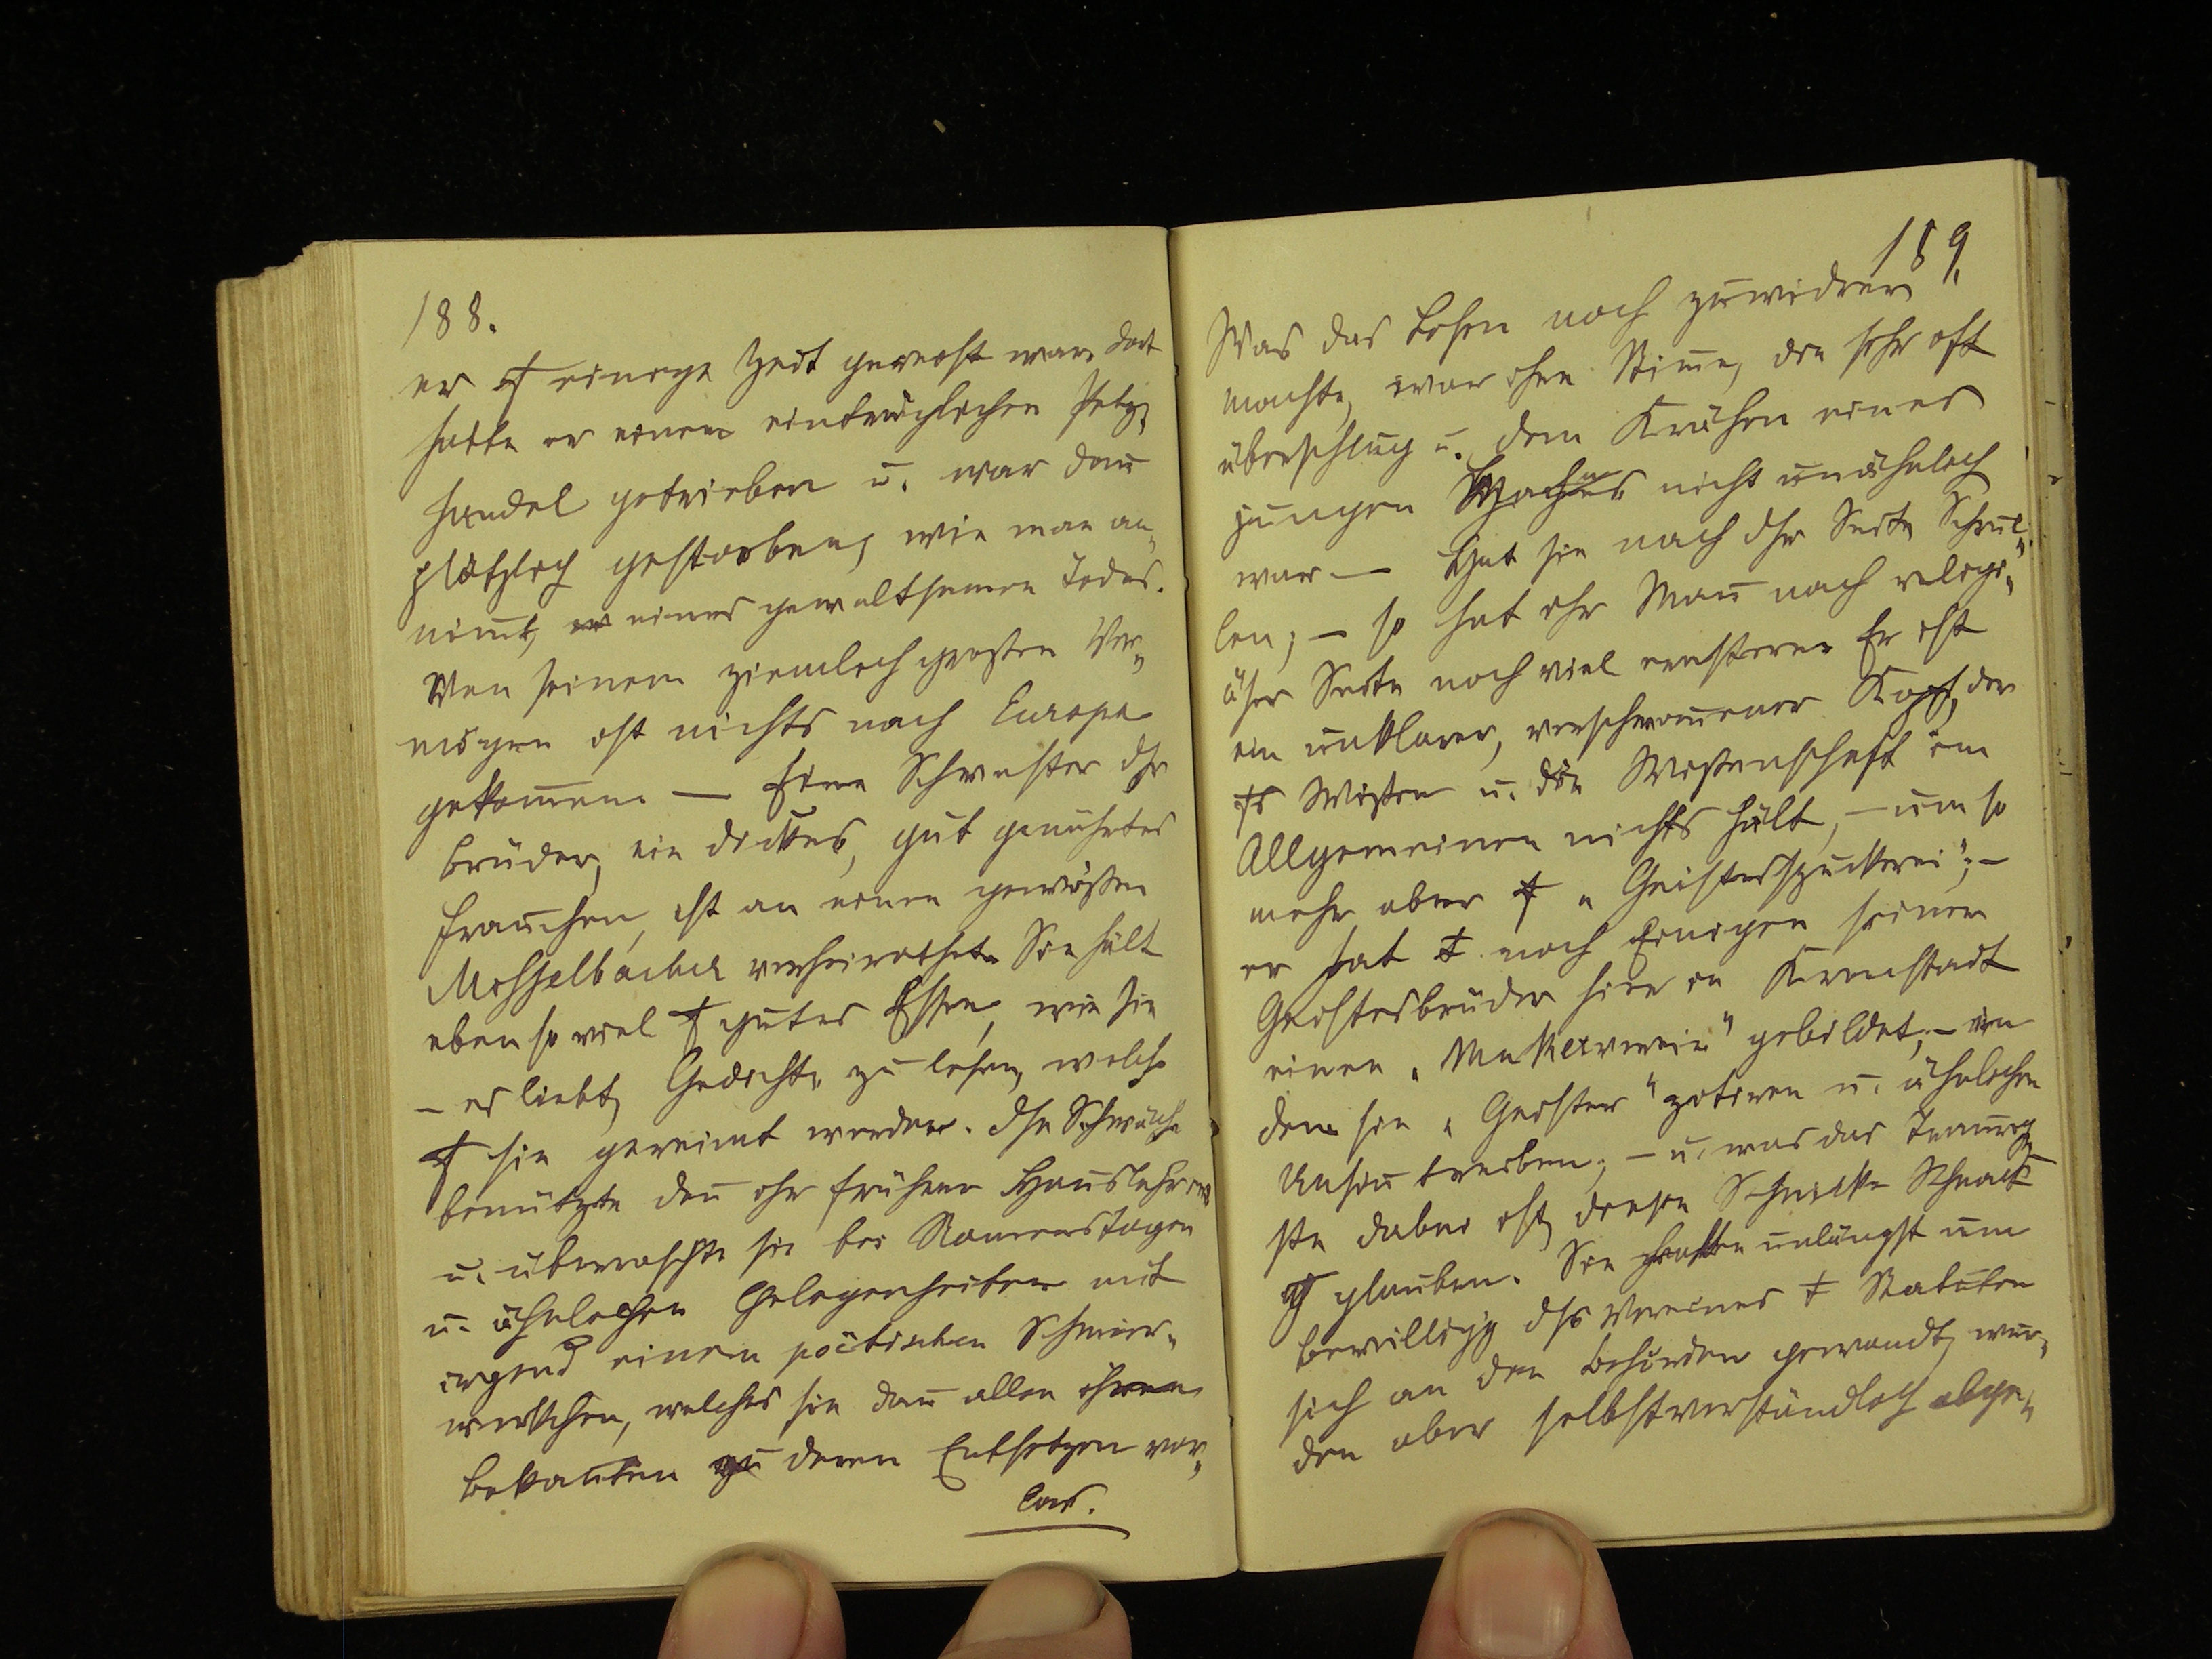188
er ist einige Zeit gereist war, dort
hatte er einen einträglichen Pelz¬
handel getrieben und war dann
plötzlich gestorben wie man an¬
nimmt, eines gewaltsamen Todes.
Von seinem ziemlich großen Ver¬
mögen ist nichts nach Europa
gekommen.- Eine Schwester dieser
Brüder, ein dickes gut genährtes
Frauchen, ist an einen gewißen
Mosselbacher verheirathet . Sie hält
ebenso viel von gutem Essen, wie sie
es liebt, Gedichte zu lesen, welche
auf sie gereimt werden. Diese Schwäche
benützte dann ihr früherer Hauslehrer
und überraschte sie bei Namenstagen
und ähnlichen Gelegenheiten mit
irgend einem poetischen Schmierer¬
werkchen, welches sie dann allen ihren
Bekannten zu deren Entsetzen vor¬
las.
189
Was das Lesen noch zuwiderer
machte, war ihre Stimme, die sehr oft
überschlug und dem Krähen eines
jungen Hahnes nicht unähnlich
war.- Hat sie noch diese Seite Schrul¬
len.- So hat ihr Mann noch welche
dieser Seiten, noch viel ernstere. Er ist
ein unklarer, verschwommener Kopf der
von Wißen und Wißenschaft im
Allgemeinen nichts hält,-- umso
mehr aber von „Geisterspuckerei“;-
er hat mit noch Einigen seiner
Geisterbrüder hier in Kronstadt
einen „Mukerverein..“ gebildet ,- in
dem sie „Geister“ zitieren und ähnlichen
Unsinn treiben; - und was Traurig¬
ste dabei ist diesen Schnick-Schnack
zu glauben.- Sie hatten unlängst um
Bewilligung dieses Vereins mit Statuten
sich an die Behörden gewandt , wurden
dann aber selbstverständlich abgelehnt.